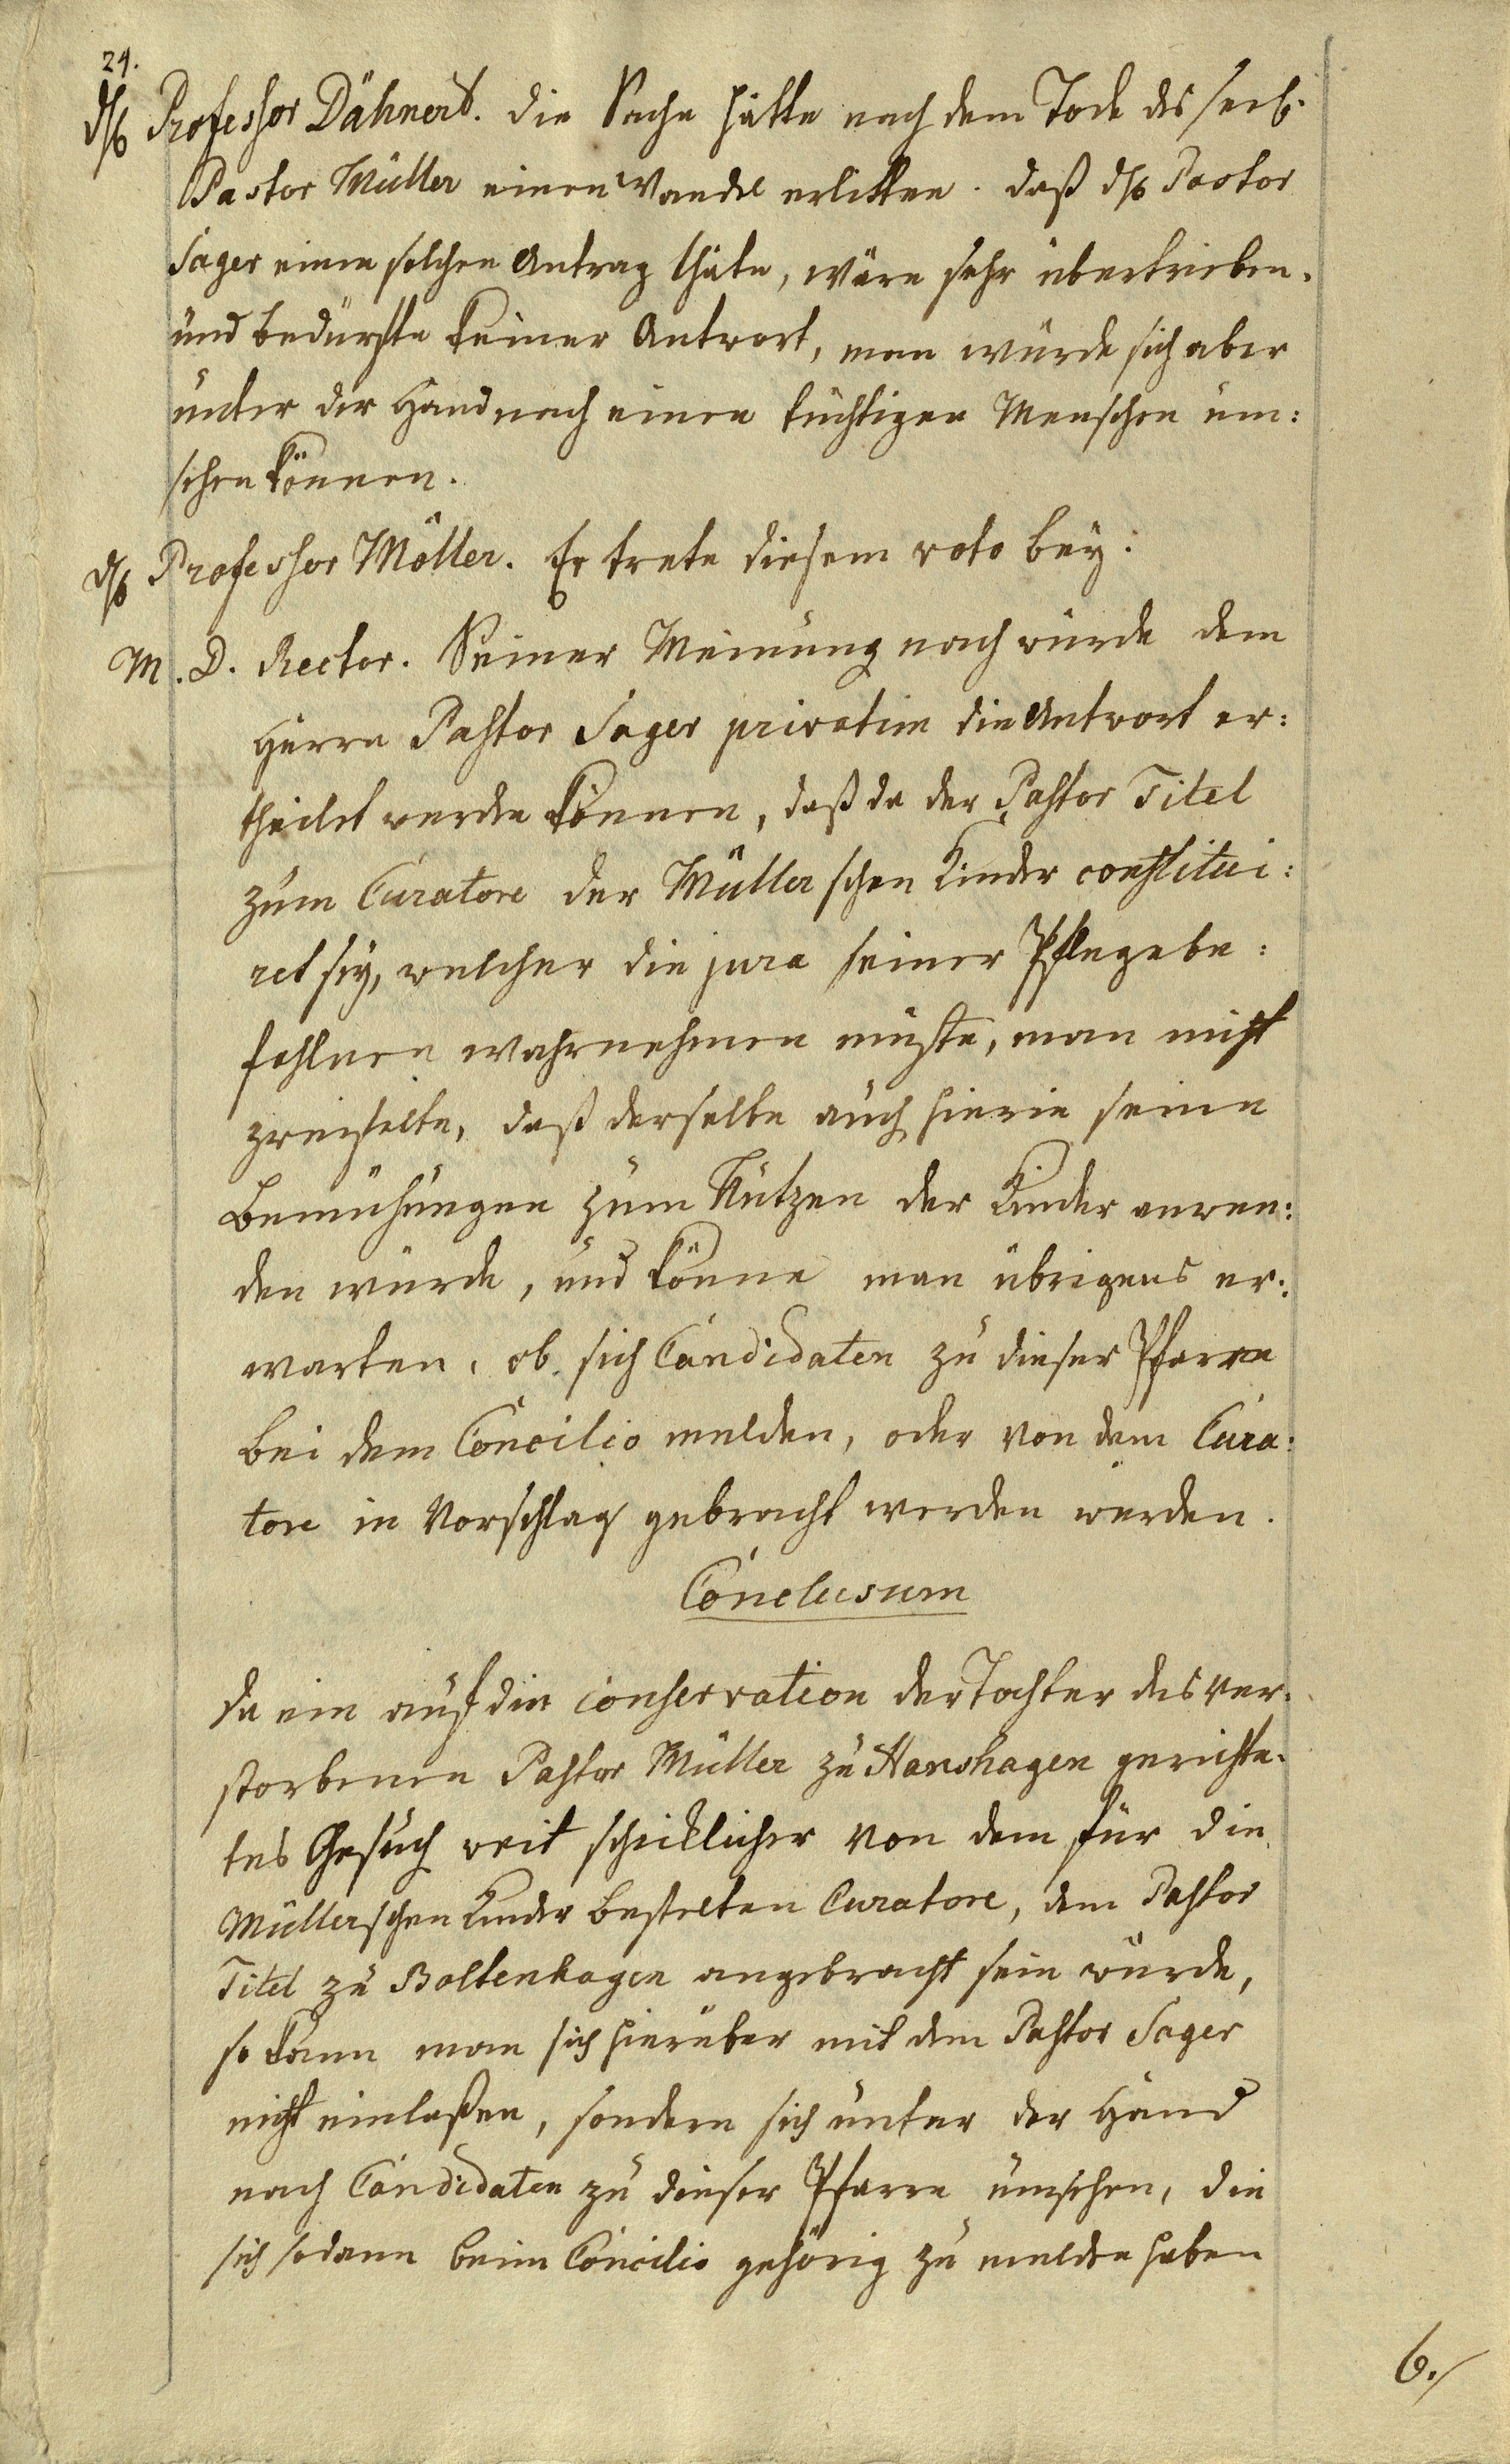dh Professor Dähnert. die Sache hätte nach dem Tode des seel.
Pastor Müller einen Wandel erlitten. daß dh Pastor
Sager einen solchen Antrag thäte, wäre sehr übertrieben
und bedürfte keiner Antwort, man würde sich aber
unter der Hand nach einen tüchtigen Menschen um¬
sehen können.
dh Professor Möller. Er trete diesem voto beÿ.
M. D. Rector. Seiner Meinung nach würde dem
Herrn Pastor Sager privatim die Antwort er¬
theilet werden können, daß da der Pastor Titel
zum Curatore der Müllerschen Kinder constitui¬
ret seÿ, welcher die jura seiner Pflegebe¬
fohlnen wahrnehmen müste, man nicht
zweifelte, daß derselbe auch hierin seine
Bemühungen zum Nutzen der Kinder anwen¬
den würde, und könne man übrigens er¬
warten, ob sich Candidaten zu dieser Pfarre
bei dem Concilio melden, oder von dem Cura¬
tore in Vorschlag gebracht werden würden.
Conclusum
Da ein auf die Conservation der Tochter des ver¬
storbenen Pastor Müller zu Hanshagen gerichte¬
tes Gesuch weit schicklicher von dem für die
Müllerschen Kinder bestelten Curatore, dem Pastor
Titel zu Boltenhagen angebracht sein würde,
so kann man sich hierüber mit dem Pastor Sager
nicht einlaßen, sondern sich unter der Hand
nach Candidaten zu dieser Pfarre umsehen, die
sich sodann beim Concilio gehörig zu melden haben.